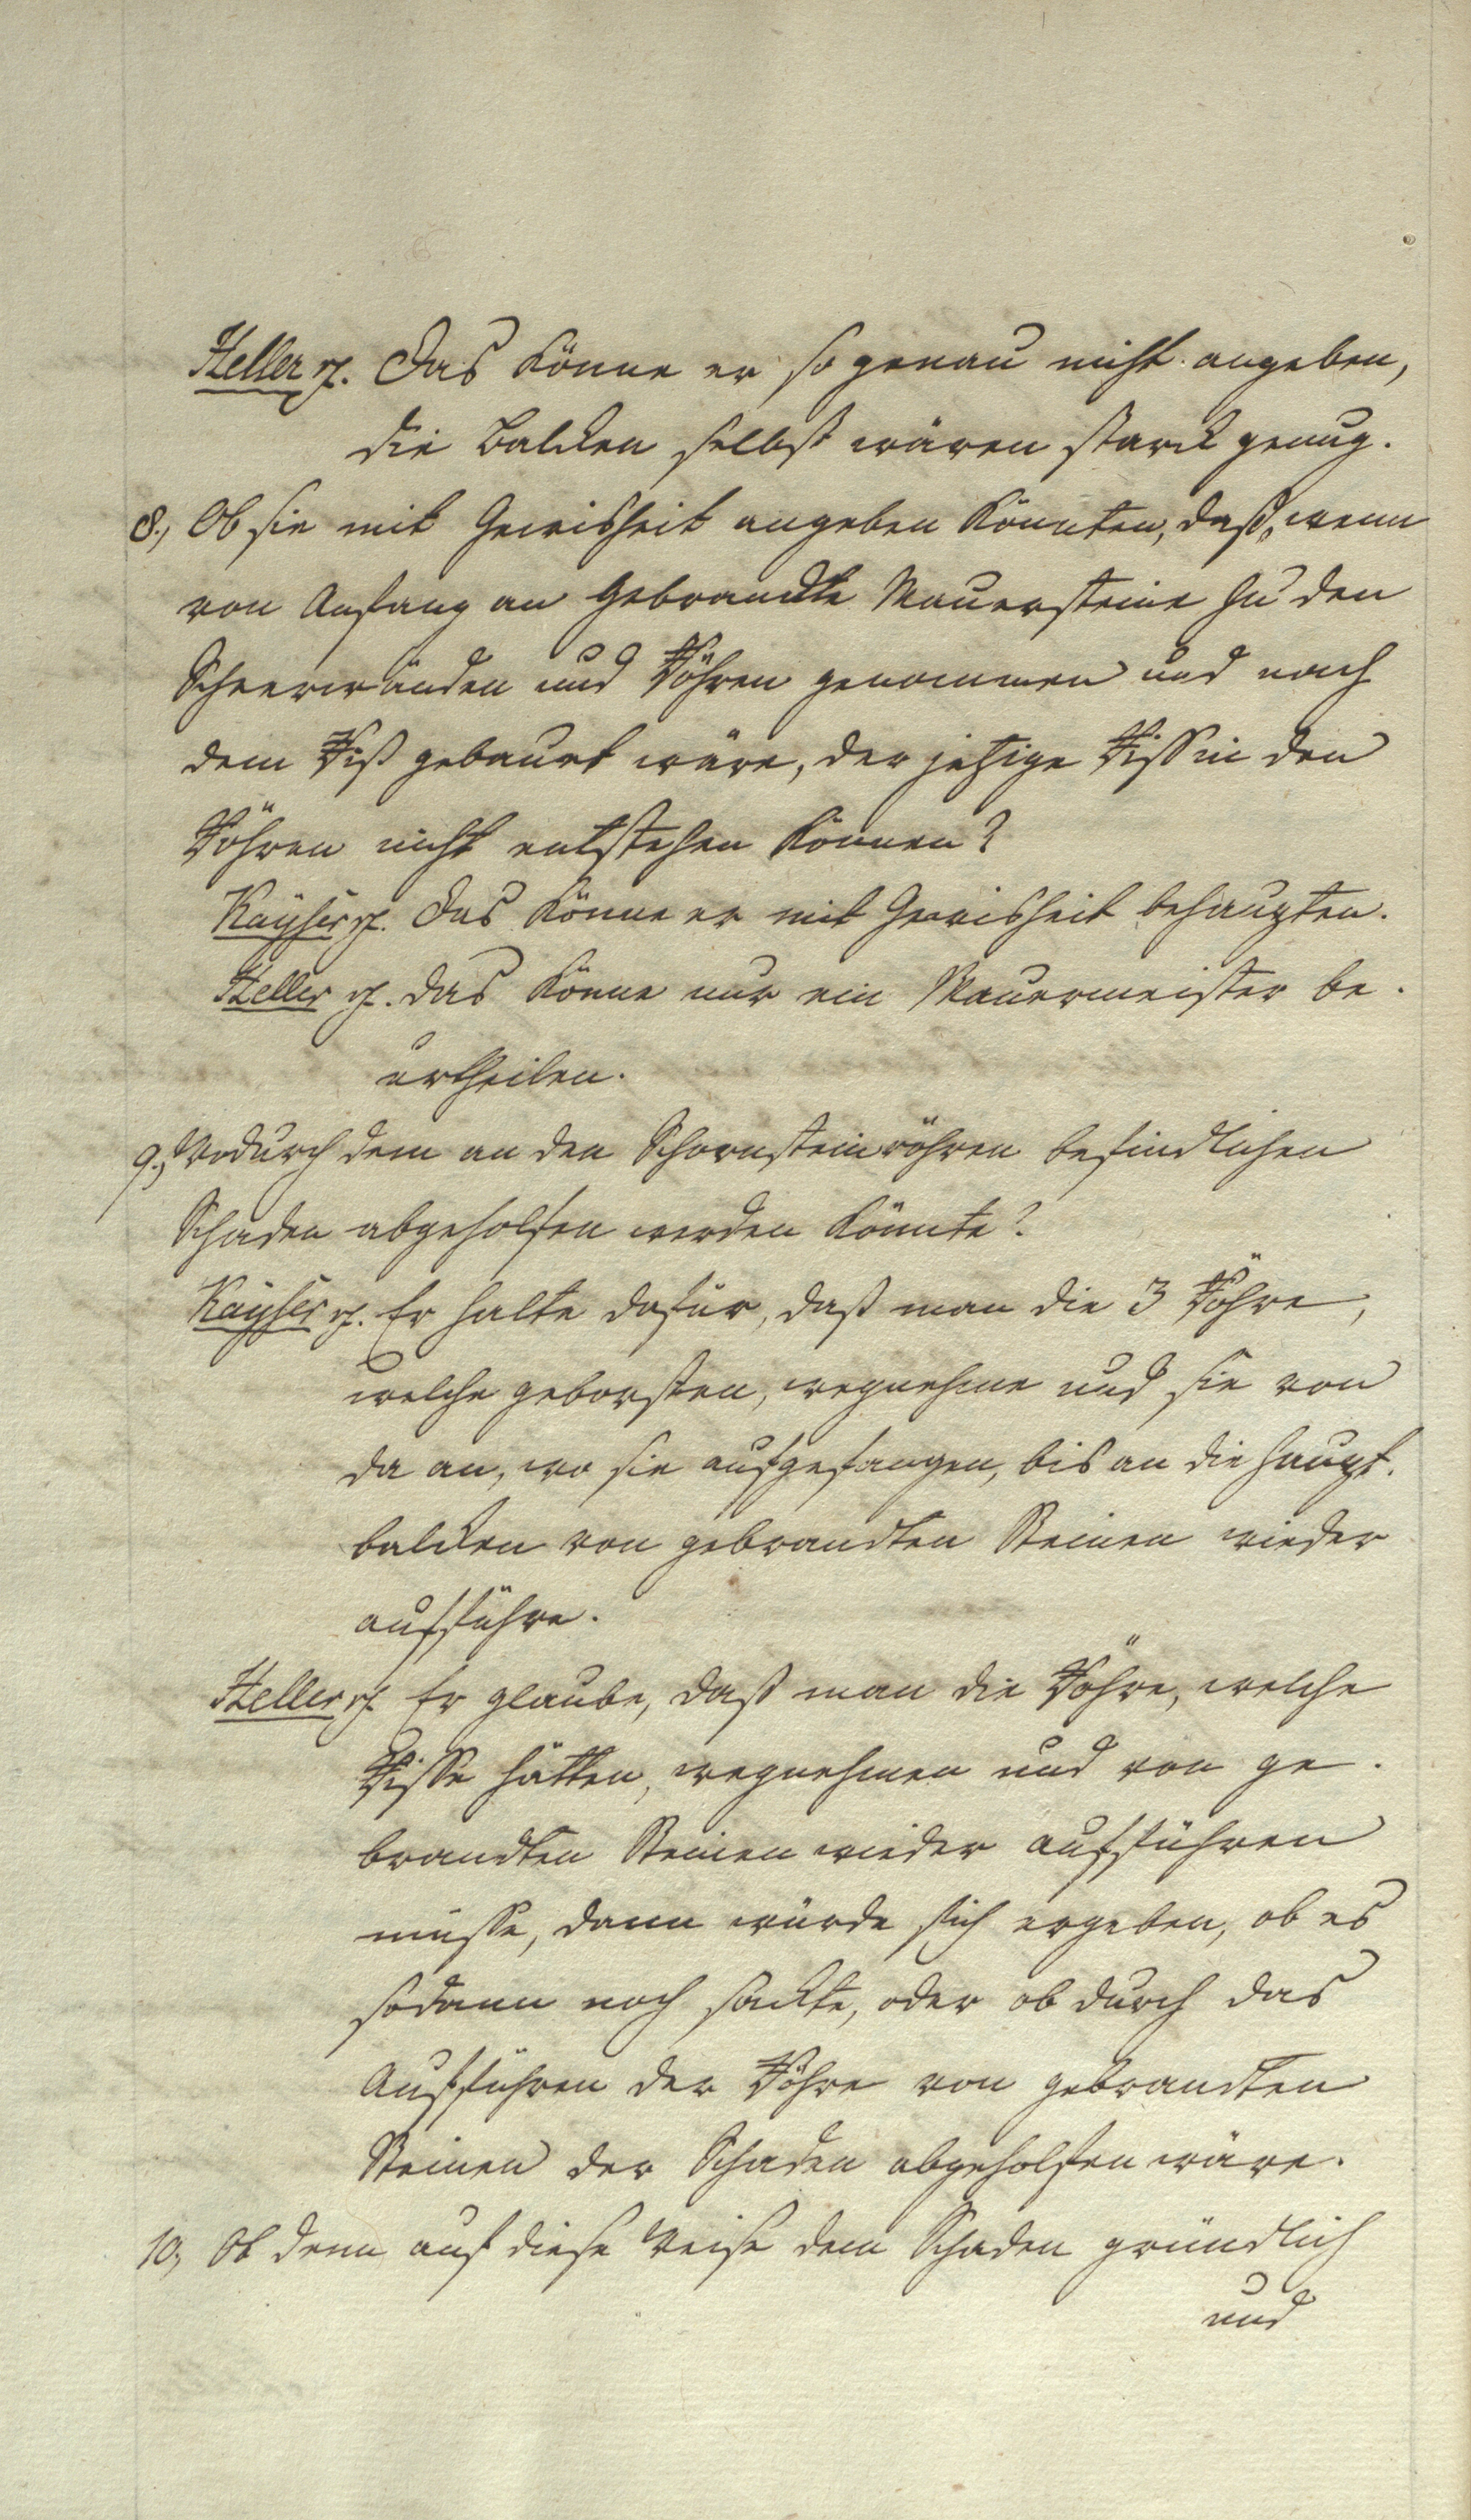Heller rf. Das könne er so genau nicht angeben,
die Balcken selbst wären starck genug.
8, Ob sie mit Gewisheit angeben könnten, daß, wenn
von Anfang an gebrandte Mauersteine zu den
Scheerwänden und Röhren genommen und nach
dem Riß gebauet wäre, der jetzige Riß in den
Röhren nicht entstehen können?
Kaÿser rf. Das könne er mit Gewisheit behaupten.
Heller rf. Das könne nur ein Mauermeister be¬
urtheilen.
9., Wodurch dem an den Schornsteinröhren befindlichen
Schaden abgeholfen werden könnte?
Kaÿser rf. Er halte dafür, daß man die 3 Röhre,
welche geborsten, wegnehme und sie von
da an, wo sie aufgefangen, bis an die Haupt¬
balcken von gebrandten Steinen wieder
aufführe.
Heller rf. Er glaube, daß man die Röhre, welche
Risse hätten, wegnehmen und von ge¬
brandten Steinen wieder aufführen
müsse, dann würde sich ergeben, ob es
sodann noch sackte, oder ob durch das
Aufführen der Röhre von gebrandten
Steinen der Schaden abgeholfen wäre.
10., Ob denn auf diese Weise dem Schaden gründlich
und